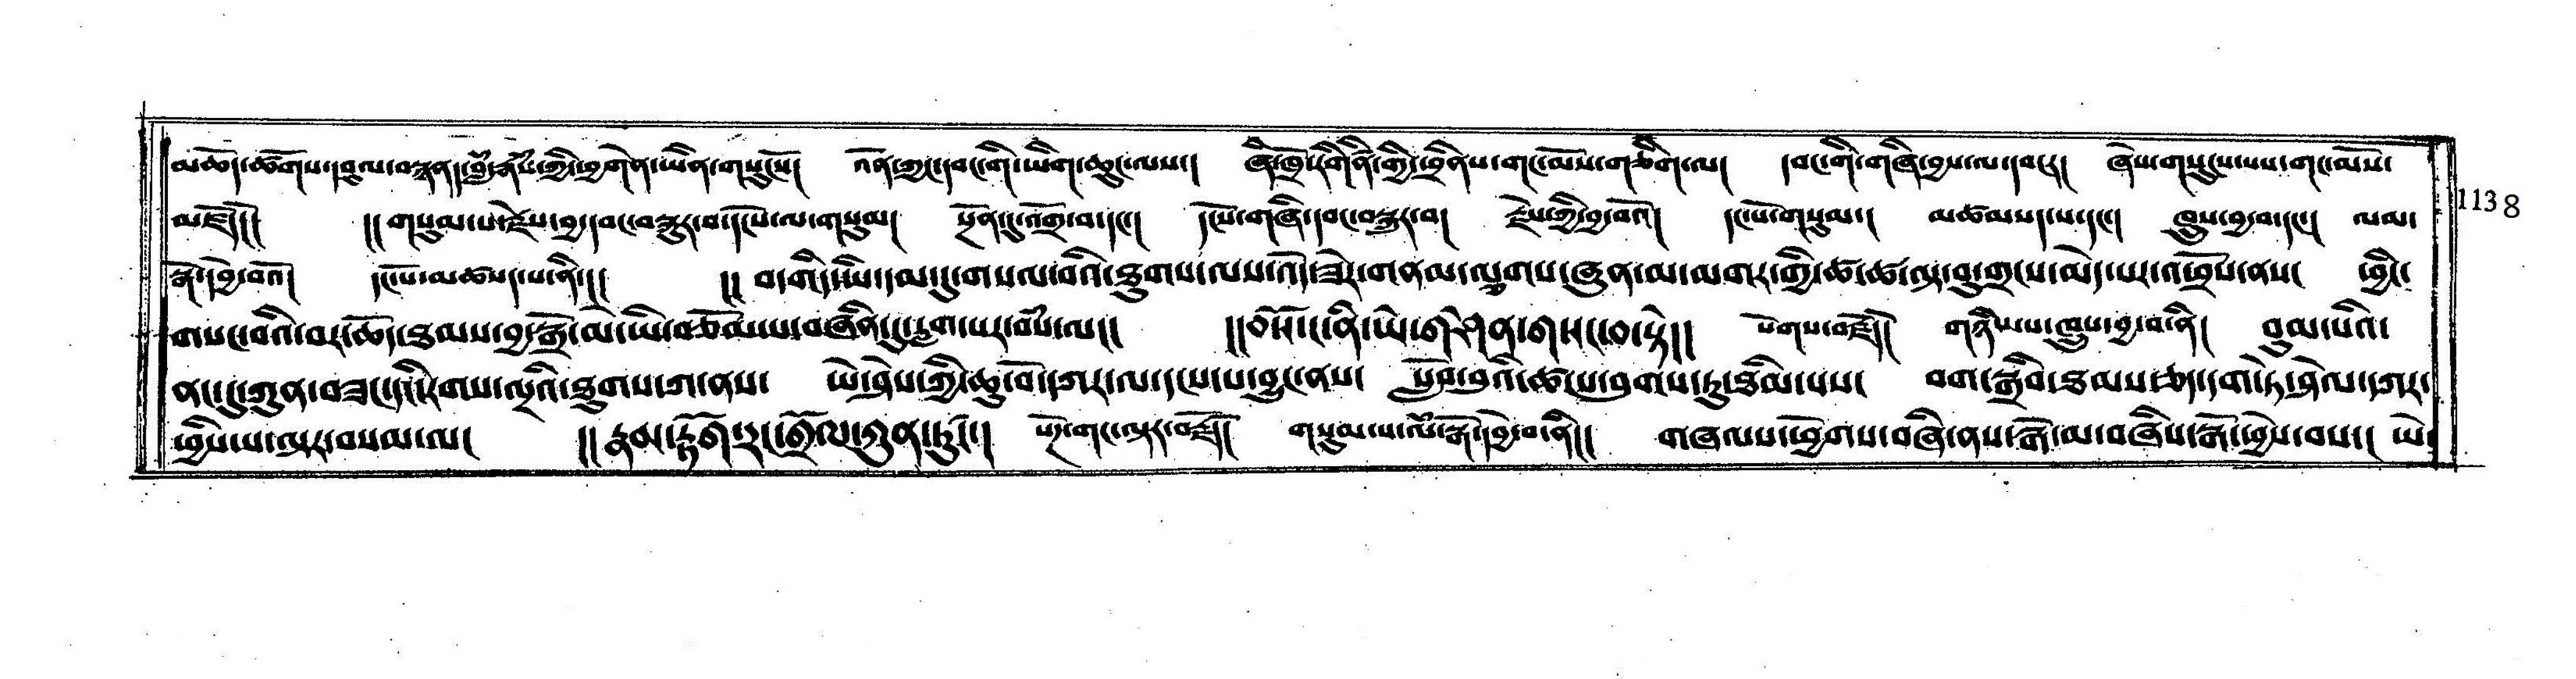མཆོད་ཚོགས་དབུལ་བསྙན་བརྒྱུད་བླ་མ་རྣམས་ཀྱི་ཕྱག་ལེན་ཡིན་གསུངས་སོ། འོན་ཀྱང་དབང་གི་ཡིག་ཆུང་ལས། ཞི་ཁྲོ་རིག་འཛིན་གྱི་ཕྲིན་ལས་གང་མོས་
གཅིག་ལ། དབང་གི་གཞི་བྱས་ལ་དབང་བསྐུར། ཞེས་གསུངས་པས་གང་མོས་མཛོད་དོ། །།གསུམ་པ་རྗེས་བྱ་དབང་བསྐུར་བ་དངོས་ལ་གསུམ། སྔོན་དུ་འགྲོ་བ་དང་། དངོས་གཞི་དབང་བསྐུར་བ། རྗེས་ཀྱི་བྱ་བའོ། དང་པོ་གསུམ། མཚམས་བཅད་པ་དང་། ཁྲུས་བྱ་བ་དང་། ལམ་
སྒོ་དབྱེ་བའོ། དང་པོ་མཚམས་བཅད་པ་ནི།། །།བདག་ཉིད་ཡི་དམ་དུ་གསལ་བའི་ཐུགས་ལས་འོད་ཟེར་གནམ་ལྕགས་ཞུན་མ་མགར་གྱི་ཚ་ཚ་ལྟ་བུ་གྲངས་མེད་པར་འཕྲོས་ནས། ཕྱི་
ནང་གསང་བའི་བར་ཆོད་ཐམས་བྱ་སྒྲོ་མེ་ཡི་བཅོམ་པ་བཞིན་དུ་བརླག་པར་བསམ་ལ།། །།བསོ་ང་ནི་ཡེ་གཤེན་གསང་བ་སྟེ།། སོགས་བརྗོད་དོ། གཉིས་པ་ཁྲུས་བྱ་བ་ནི། བུམ་པའི་
ནང་དུ་ཀུན་བཟང་དང་རིགས་ལྔའི་ཐུགས་ཀ་ནས་ཡེ་ཤེས་ཀྱི་ཆུ་བོ་དཀར་ལ་དངས་པ་བྱུང་ནས་སློབ་བུའི་ཚངས་བུགས་ཏུ་ཐིམ་པས་བག་སྒྲིབ་ཐམས་ཅད་དག་ཏེ་ཤེལ་དཀར་
ཕྱིས་པ་ལྟར་བསམ་ལ། །།རྣམ་རྟོག་རང་གྲོལ་ཀུན་ཏུ་བཟང་། སོགས་གང་ལྟར་བརྗོད། གསུམ་པ་ལམ་སྒོ་དབྱེ་བ་ནི།། གཞལ་ཡས་ཕྱོགས་བཞི་ནས་སྒོ་མ་བཞིས་སྒོ་ཕྱེས་པས། ཡེ་